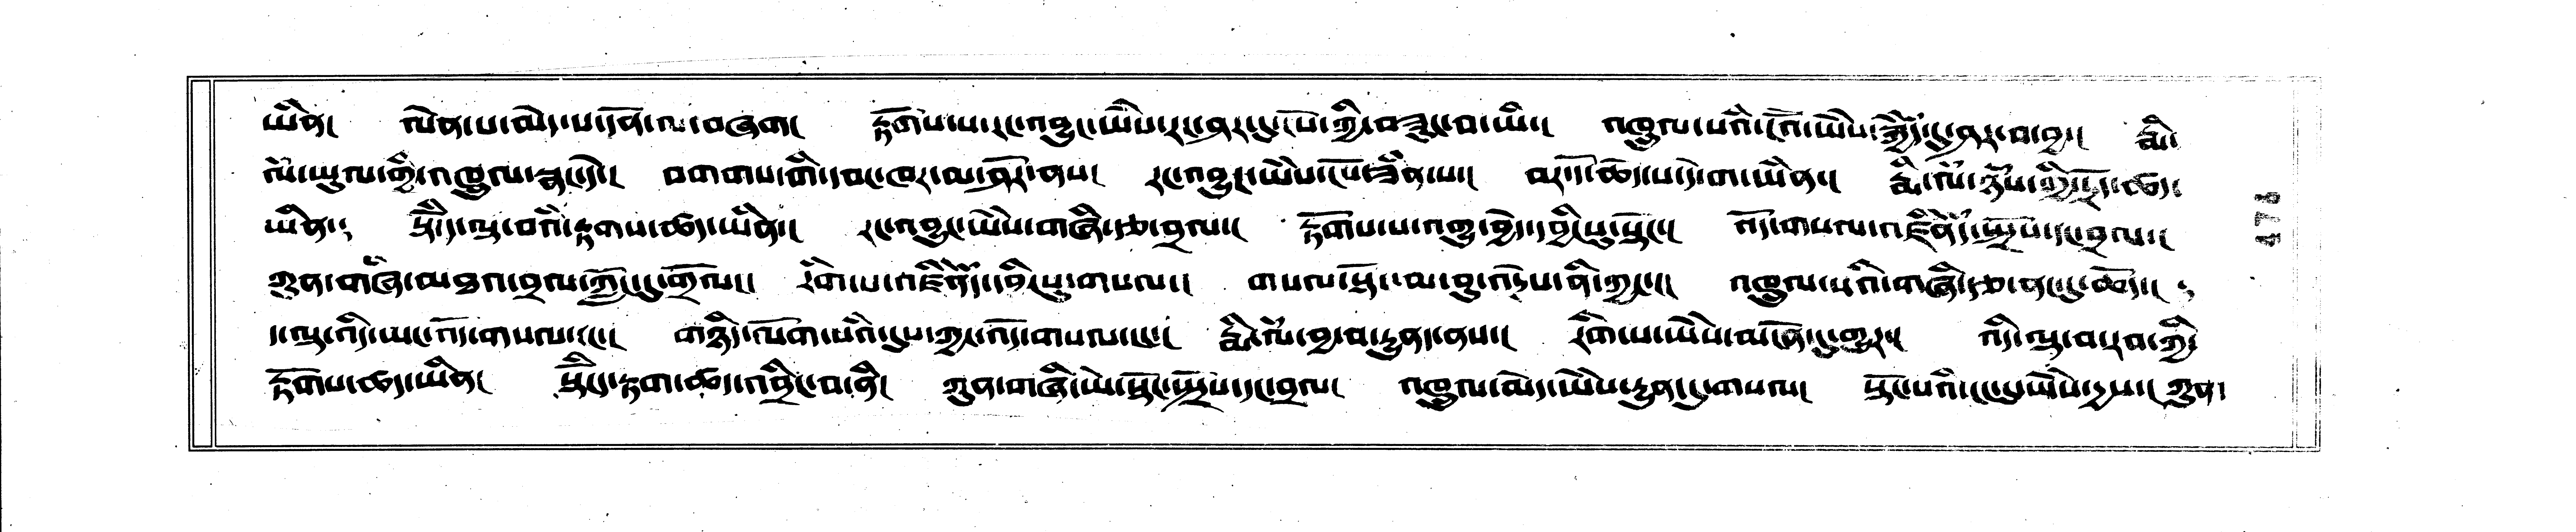ཡིན། ལེན་པ་མེད་པའི་དོན་ལ་བཞག རྟོགས་པར་རང་འབྱུང་ཡེ་ཤེས་རང་ཤར་དུ་ངོས་ཀྱིས་བཟུང་པའོ། འཁྲུལ་པའི་ངོའོ་ཡེ་ཤེས་སྐྱེ་མེད་དུ་ཤར་བར་ཤེས་‘‘པར”བྱ། རྨི་
ལམ་ཡུལ་གྱིས་འཁྲུལ་སྣང་དེ། བག་ཆགས་ཀྱིས་དབང་ཁར་མ་ཤོར་ནས། རང་འབྱུང་ཡེ་ཤེས་ངོས་ཀྱིས་ཟིན་བན་ན། བར་དོ་ཆོད་པ་དེ་ཀ་ཡིན། རྨི་ལམ་ཉམས་ཀྱི་དྲོད་ཚད་
ཡིན། ། སྟོང་ཉིད་ལྟ་བའི་རྟོགས་ཚད་ཡིན། རང་འབྱུང་ཡེ་ཤེས་གཞི་རྩ་བྲལ། རྟོག་པ་འགྱུ་བྱེད་དབྱིངས་སུ་སྟོང་། འོད་གསལ་འཛིན་མེད་སྤྲོས་དང་བྲལ། 
ཀུན་གཞི་མཐའ་བྲལ་ཀློང་དུ་གྲོལ། རིག་པ་འཛིན་མེད་དབྱིངས་སུ་གསལ། གསལ་སྟོང་མ་བུ་འདྲེས་ནས་ཀྱང་། འཁྲུལ་པའི་གཞི་རྩ་ནང་དུ་ཆོད།
ད་ལྟ་འདི་ཡང་འོད་གསལ་ངང་། གཉིད་ལོག་པའི་དུས་ཡང་འོད་གསལ་ངང་། རྨི་ལམ་བྱ་བ་རྒྱུན་ཆད་ནས། རིག་པའི་ཡེ་ཤེས་མངོན་དུ་གྱུར། འདི་ལྟ་བ་རབ་ཀྱིས་
རྟོགས་ཚད་ཡིན། སྟོང་ཉིད་རྟོགས་ཚད་འབྲིང་ལ་ནི། ཀུན་གཞི་ཡེ་སྟོང་སྤྲོས་དང་བྲལ། འཁྲུལ་མེད་ཡེ་ཤེས་རྒྱུན་དུ་གསལ། སྟོང་པའི་ངང་དུ་ཡེ་ཤེས་རྒྱས། ཀུན་